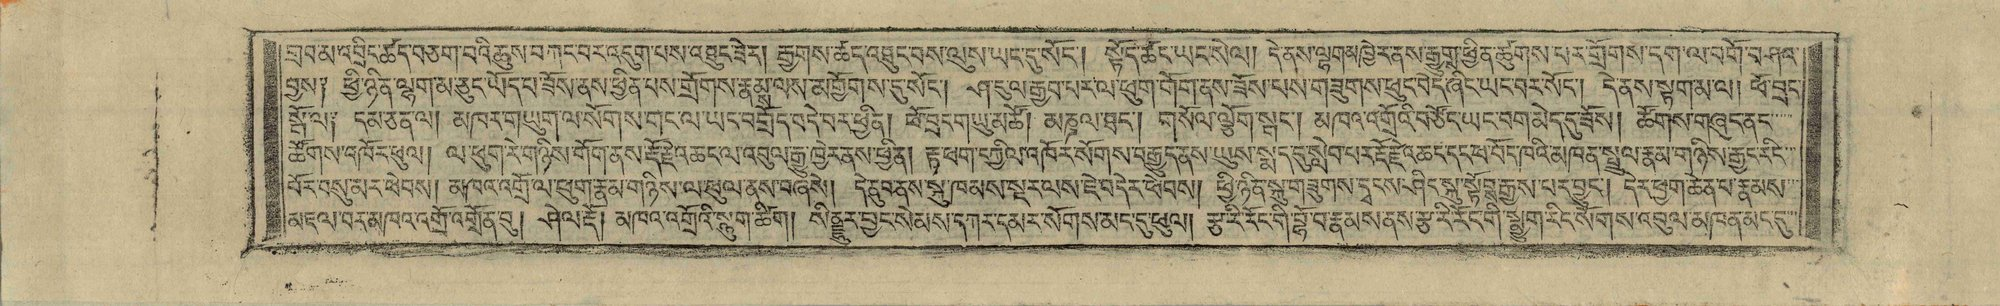གྲབ་མ་འབྲིང་ཚད་བཅག་པའི་ཆུས་བཀང་བར་འདུག་པས་འཐུང་ཟེར། རྒྱགས་ཚད་འཐུང་བས་ལུས་ཡང་དུ་སོང་། སྟོད་ཚང་ཡང་སེལ། དེ་ནས་ལྷག་མཁྱེར་ནས་རྒྱུགས་ཕྱིན་ཚུགས་པར་གྲོགས་དག་ལ་བགོ་བཤའ་
བྱས༑ ཕྱི་ཉིན་ལྷག་མ་ཅུང་ཡོད་པ་ཟོས་ནས་ཕྱིན་པས་གྲོགས་རྣམས་ལས་མགྱོགས་དུ་སོང་། ཤ་ངུ་ལ་རྒྱབ་པར་ལ་ཕུག་གོག་ནས་ཟོས་པས་གཟུགས་ཕུང་བདེ་ཞིང་ཡང་བར་སོང་། དེ་ནས་སྟག་མ་ལ། ཕོ་བྲང་
སྒོ་ལ། དམ་ཅན་ལ། མཁར་གཡུག་ལ་སོགས་གང་ལ་ཡང་བགྲོད་བདེ་བར་ཕྱིན། ཕོ་བྲང་གཡུ་མཚོ། མཎྜལ་ཐང་། གསོལ་ལྕོག་སྒང་། མཁའ་འགྲོའི་བཙོང་ཡང་བག་མེད་དུ་ཟོས། ཚོགས་གཞུང་ནང་
ཚོགས་འཁོར་ཕུལ། ལ་ཕུག་རེ་གཉིས་གོག་ནས་རྡོ་རྗེ་འཆང་ལ་འབུལ་རྒྱུ་ཁྱེར་ནས་ཕྱིན། རྟ་ཕག་དཀྱིལ་འཁོར་སོགས་བརྒྱུད་ནས་ཡུས་སྨད་དུ་སླེབ་པར་རྡོ་རྗེ་འཆང་དང་ཕ་བོང་ཁའི་མཁན་སྤྲུལ་རྣམ་གཉིས་རྒྱང་རིང་
བོར་བསུ་མར་ཕེབས། མཁའ་འགྲོ་ལ་ཕུག་རྣམ་གཉིས་ལ་ཕུལ་ནས་བཞེས། དེ་ནུབ་ནས་སྐུ་ཁམས་སྔར་ལས་ཇེ་བདེར་ཕེབས། ཕྱི་ཉིན་སྐུ་གཟུགས་དྭངས་ཤིང་སྐུ་སྟོབས་རྒྱས་པར་བྱུང་། དེར་ཕྱག་ཆེན་པ་རྣམས་
མཇལ་བར་མཁའ་འགྲོ་འགྲོན་བུ། ཤེལ་རྡོ། མཁའ་འགྲོའི་སྙུག་ཚིག །སིནྡྷུར་བྱང་སེམས་དཀར་དམར་སོགས་མང་དུ་ཕུལ། རྩ་རི་རོང་གི་བྷོ་བ་རྣམས་ནས་རྩ་རི་རོང་གི་སྨྱུག་རིང་སོགས་འབུལ་མཁན་མང་དུ་